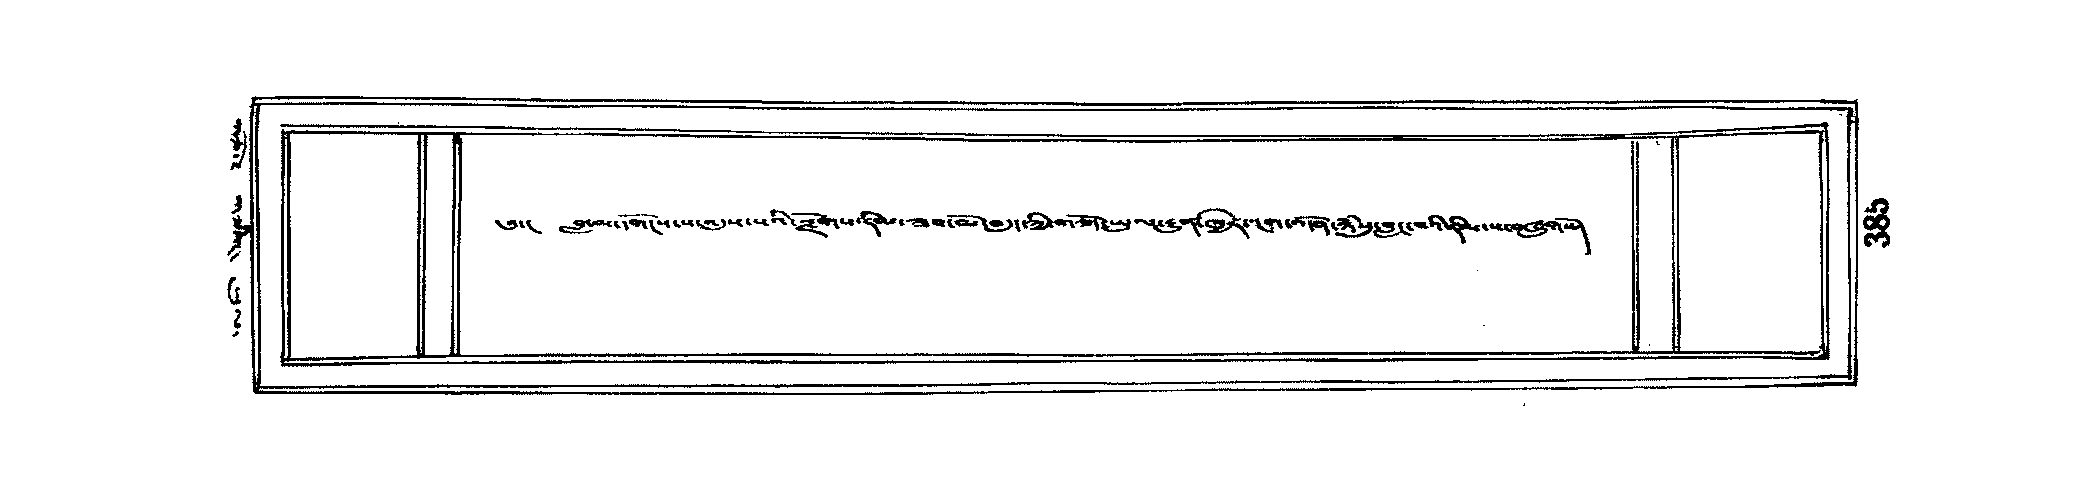བླ་མ་དགོངས་པ་འདུས་པའི་རྫོགས་རིམ་ཟབ་མོ་བདུད་ཀྱི་གཅོད་ཡུལ་རྒྱུན་ཁྱེར་ངག་འདོན་ཉམས་སུ་བླང་བའི་རིམ་པ་བཞུགས་སོ།